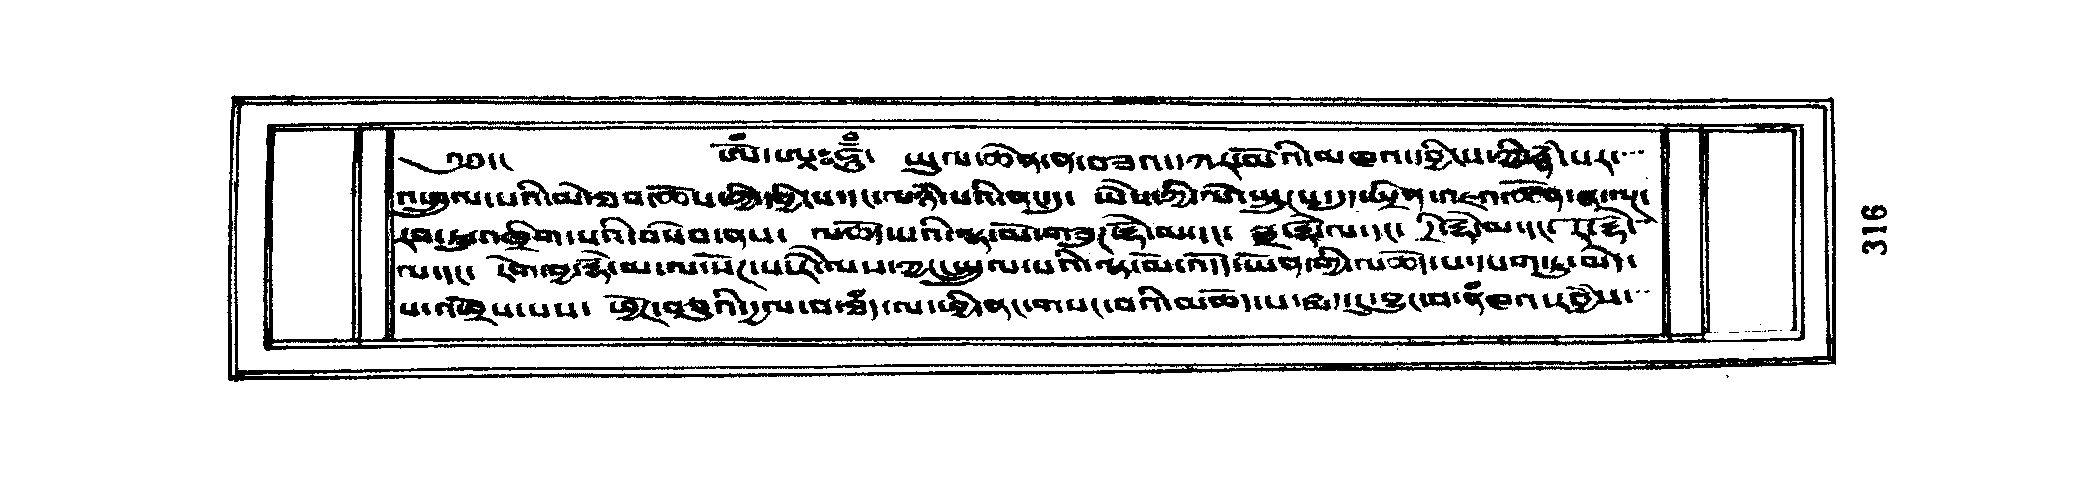ཨོྃ་ཨཱ་ཧཱུྃ། ཡུམ་ཆེན་ན་བཟའ་དཀར་མོའི་མཁའ་དབྱིངས་ཀྱི་རྣམ་པར་
འཕྲུལ་པའི་མེ་ཐབ་ཆོས་ཀྱི་དབྱིངས་དང་མཉམ་པའི་ནང་དུ། ཡེ་ཤེས་ཀྱི་མེ་སྤུངས་དུད་སྤྲིན་འཇའ་ཚོན་སྣ་ལྔ་
རབ་ཏུ་འཁྲིག་པའི་བསེབ་ནས། མཆོད་པའི་ལྷ་མོ་གཟུགས་རྡོ་རྗེ་མ་དང་། སྒྲ་རྡོ་རྗེ་མ་དང་། རོ་རྡོ་རྗེ་མ་དང་། རེག་བྱ་རྡོ་རྗེ་མ་
ལ་སོགས་པ་རེ་རེ་ལས་ཀྱང་སྤྲུལ་པའི་ལྷ་མོ་འདོད་ཡོན་གྱི་མཆོད་པ་དཔག་ཏུ་མེད་
པ་འཕྲོས་པས། ཕྱོགས་བཅུའི་རྒྱལ་བ་ཐམས་ཅད་ལ་ཕྱི་ནང་གསང་བའི་མཆོད་པ་སྨད་དུ་བྱུང་བ་ནམ་མཁའ་རབ་འབྱམས་